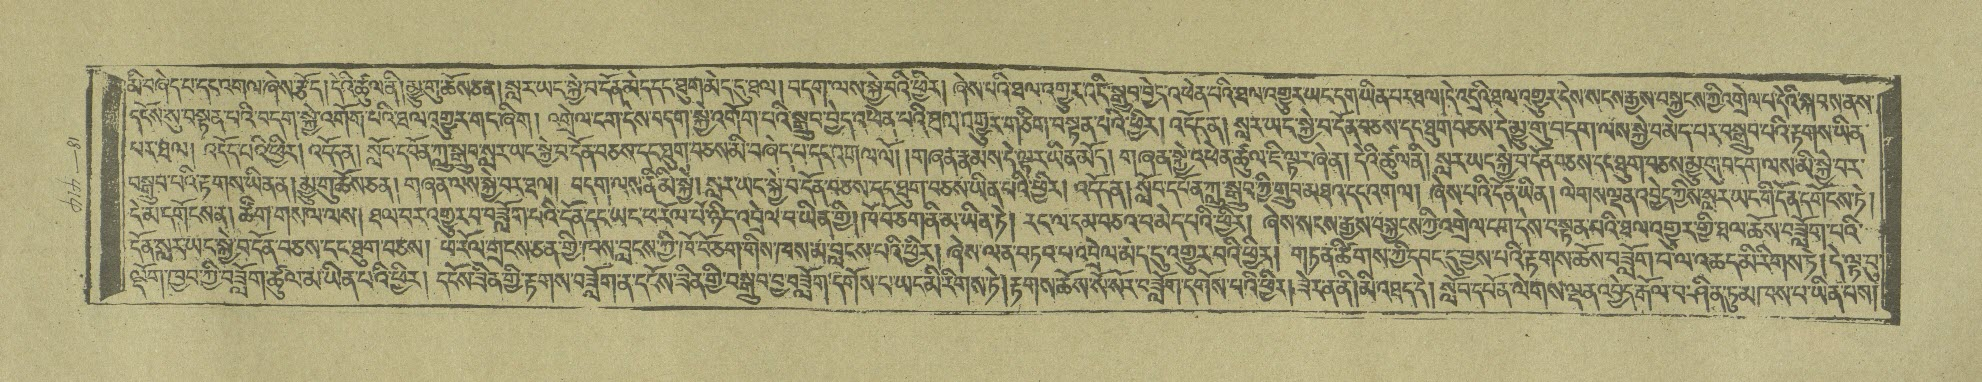མི་བཞེད་པ་དང་འགལ་ཞེས་རྩོད། དེའི་ཚུལ་ནི། མྱུ་གུ་ཆོས་ཅན། སླར་ཡང་སྐྱེ་བ་དོན་མེད་དང་ཐུག་མེད་དུ་ཐལ། བདག་ལས་སྐྱེ་བའི་ཕྱིར། ཞེས་པའི་ཐལ་འགྱུར་འདི་སྒྲུབ་བྱེད་འཕེན་པའི་ཐལ་འགྱུར་ཡང་དག་ཡིན་པར་ཐལ། དེ་འདྲའི་ཐལ་འགྱུར་དེས་སངས་རྒྱས་བསྐྱངས་ཀྱི་འགྲེལ་བ་དེའི་སྐབས་ནས་
དངོས་སུ་བསྟན་པའི་བདག་སྐྱེ་འགོག་པའི་ཐལ་འགྱུར་གང་ཞིག །འགྲེལ་ངག་དེས་བདག་སྐྱེ་འགོག་པའི་སྒྲུབ་བྱེད་འཕེན་པའི་ཐལ་འགྱུར་གཅིག་བསྟན་པའི་ཕྱིར། འདོད་ན། སླར་ཡང་སྐྱེ་བ་དོན་བཅས་དང་ཐུག་བཅས་དེ་མྱུ་གུ་བདག་ལས་སྐྱེ་བ་མེད་པར་བསྒྲུབ་པའི་རྟགས་ཡིན་
པར་ཐལ། འདོད་པའི་ཕྱིར། འདོད་ན། སློབ་དཔོན་ཀླུ་སྒྲུབ་སླར་ཡང་སྐྱེ་བ་དོན་བཅས་དང་ཐུག་བཅས་མི་བཞེད་པ་དང་འགལ་ལོ། །གཞན་རྣམས་དེ་ལྟར་ཡིན་མོད། གཞན་སྐྱེ་འཕེན་ཚུལ་ཇི་ལྟར་ཞེ་ན། དེའི་ཚུལ་ནི། སླར་ཡང་སྐྱེ་བ་དོན་བཅས་དང་ཐུག་བཅས་མྱུ་གུ་བདག་ལས་མི་སྐྱེ་བར་
བསྒྲུབ་པའི་རྟགས་ཡིན་ན། མྱུ་གུ་ཆོས་ཅན། གཞན་ལས་སྐྱེ་བར་ཐལ། བདག་ལས་ནི་མི་སྐྱེ། སླར་ཡང་སྐྱེ་བ་དོན་བཅས་དང་ཐུག་བཅས་ཡིན་པའི་ཕྱིར། འདོད་ན། སློབ་དཔོན་ཀླུ་སྒྲུབ་ཀྱི་གྲུབ་མཐའ་དང་འགལ། ཞེས་པའི་དོན་ཡིན། ལེགས་ལྡན་འབྱེད་ཀྱིས་སླར་ཡང་གི་དོན་དགོངས་ཏེ།
དེ་མ་དགོངས་ན། ཚིག་གསལ་ལས། ཐལ་བར་འགྱུར་བ་བཟློག་པའི་དོན་དང་ཡང་ཕ་རོལ་བོ་ཉིད་འབྲེལ་བ་ཡིན་གྱི། ཁོ་བོ་ཅག་ནི་མ་ཡིན་ཏེ། རང་ལ་དམ་བཅའ་བ་མེད་པའི་ཕྱིར། ཞེས་སངས་རྒྱས་བསྐྱངས་ཀྱི་འགྲེལ་ངག་དེས་བསྟན་པའི་ཐལ་འགྱུར་གྱི་ཐལ་ཆོས་བཟློག་པའི་
དོན་སླར་ཡང་སྐྱེ་བ་དོན་བཅས་དང་ཐུག་བཅས། ཕ་རོལ་གྲངས་ཅན་གྱི་ཁས་བླངས་ཀྱི་ཁོ་བོ་ཅག་གིས་ཁས་མ་བླངས་པའི་ཕྱིར། ཞེས་ལན་བཏབ་པ་འབྲེལ་མེད་དུ་འགྱུར་བའི་ཕྱིར། གཏན་ཚིགས་ཀྱི་དབང་དུ་བྱས་པའི་རྟགས་ཆོས་བཟློག་པ་ལ་འཆད་མི་རིགས་ཏེ། དེ་ལྟ་བུ་
ལྡོག་ཁྱབ་ཀྱི་བཟློག་ཚུལ་མ་ཡིན་པའི་ཕྱིར། དངོས་ཟིན་གྱི་རྟགས་བཟློག་ན་དངོས་ཟིན་གྱི་བསྒྲུབ་བྱ་བཟློག་དགོས་པ་ཡང་མི་རིགས་ཏེ། རྟགས་ཆོས་སོ་སོར་བཟློག་དགོས་པའི་ཕྱིར། ཟེར་ན་ནི། མི་འཐད་དེ། སློབ་དཔོན་ལེགས་ལྡན་འབྱེད་རྒོལ་བ་ཤིན་ཏུ་མཁས་པ་ཡིན་པས་